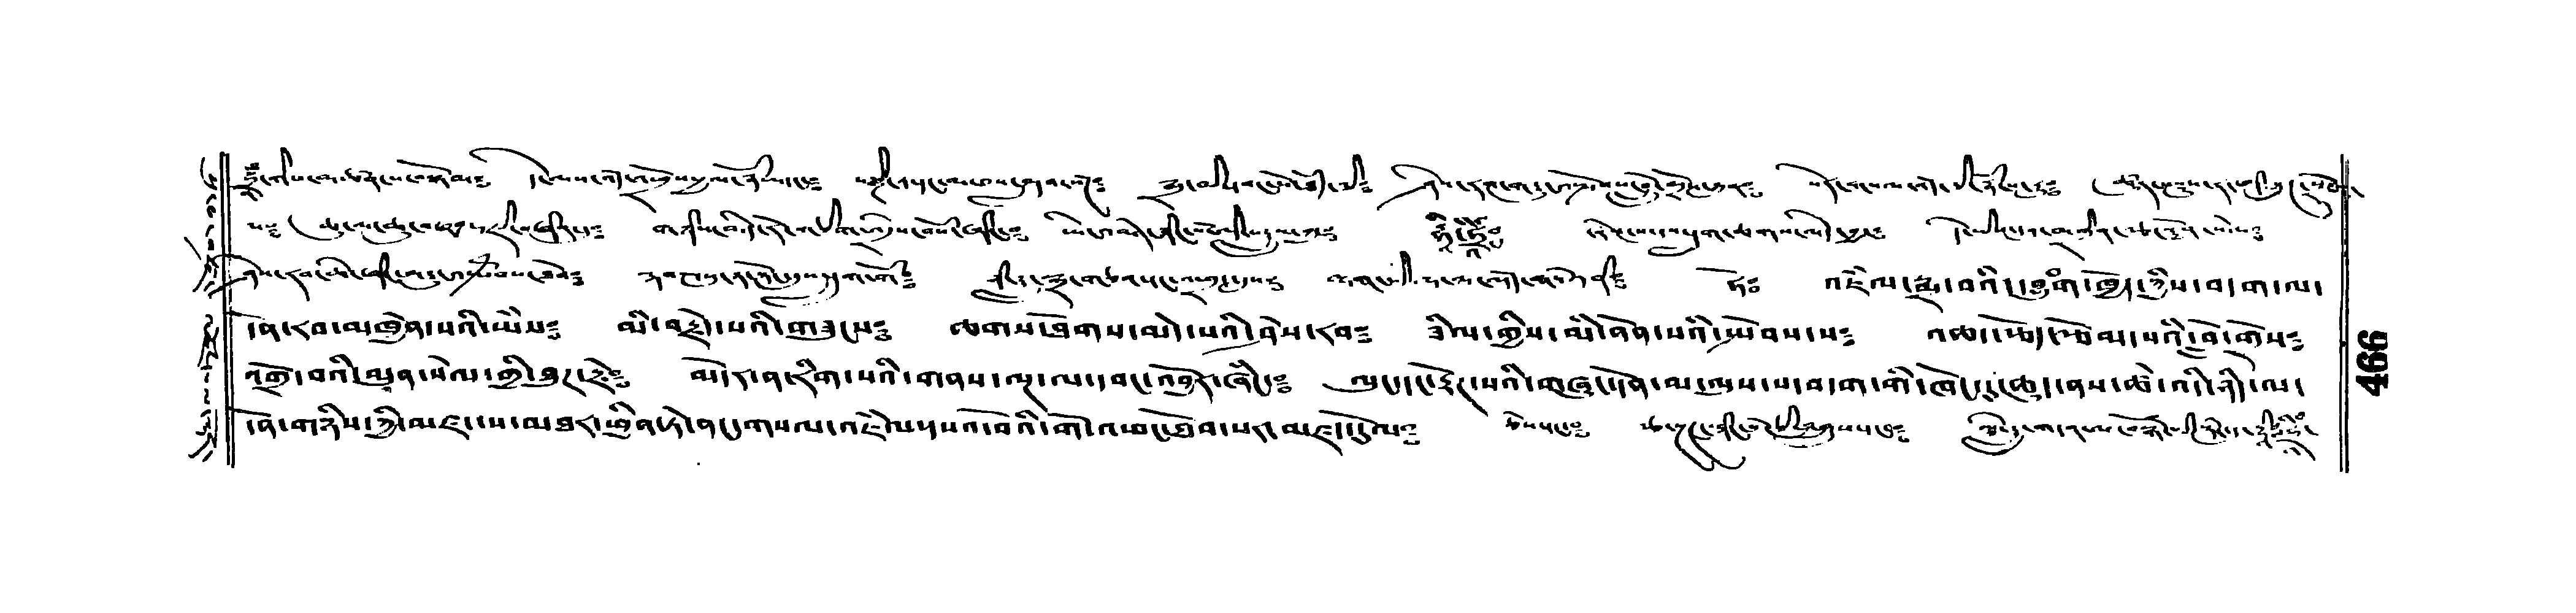ཧྲཱིཿགིས་མཚན་པ་བསྒོམ༔ དེ་ལས་འོད་འཕྲོས་རྒྱལ་རྣམས་དང༔ པཎྜི་ཏ་དང་མཁས་གྲུབ་སོགས༔ སྨྲ་བའི་དབང་པོ་ཐམས་ཅད་ཀྱི༔ ཤེས་རབ་གཟུངས་སྤོབས་བློ་གྲོས་ཀུན༔ སེར་གསལ་འོད་ཀྱི་རྣམ་པ་རུ༔ ཚུར་བསྡུས་རང་གི་ཐུགས་སྲོག་
ལ༔ ཆུ་ལ་ཆུ་བཞག་ཇི་བཞིན་དུ༔ གཉིས་མེད་རོ་གཅིག་འདྲེས་བསམ་ཞིང༔ ཡེངས་མེད་སྙིང་པོ་འདི་བཟླས་བྱ༔ དྷཱི་ཧྲཱིཾཿ ཞེས་པ་དུས་དྲུག་ཆགས་མེད་བྱ༔ དེ་ཡིས་དབུ་མགྲིན་རྩ་སྐྱོན་སེལ༔ 
ཤེས་རབ་ཆེ་ཞིང་གཟུངས་སྤོབས་ཐོབ༔ སྐབས་སུ་ཉ་སྟོང་དུས་དྲུག་གམཿ ཉི་ཟླ་སྒྲ་གཅན་དང་འཕྲད་དུས༔ ལྷག་པའི་ལྷ་ལ་འདོད་གསོལ་ནི༔ ཧོཿ འཇམ་དཔལ་སྨྲ་བའི་དབང་ཕྱུག་ཁྱོད་ཀྱིས་བདག་ལ་
དོན་རབ་མཁྱེན་པའི་ཡེ་ཤེས༔ མི་བརྗེད་པའི་གཟུངས༔ ཆགས་ཐོགས་མེད་པའི་ཤེས་རབ༔ ཟིལ་གྱིས་མི་ནོན་པའི་སྤོབས་པ༔ འཆད་རྩོད་རྩོམ་པའི་བློ་གྲོས༔ 
འགྲོ་བའི་མུན་སེལ་གྱི་ཐུགས་རྗེ༔ མདོར་ན་རིག་པའི་གནས་ལྔ་ལ་དབང་འབྱོར་ཞིང༔ ལུང་དང་རྟོགས་པའི་གཞུང་དོན་མ་ལུས་བདག་གི་ཁོང་དུ་ཆུད་ནས་ཚེ་འདི་ཉིད་ལ་
དོན་གཉིས་ཀྱི་མཛད་པ་མཐར་ཕྱིན་ཏེ་ནང་གསལ་འཇམ་དཔལ་དཔའ་བོའི་གོ་འཕང་ཐོབ་པར་མཛད་དུ་གསོལ༔ ཅེས་དང༔ རྩ་སྔགས་སྙིང་པོ་ཅི་འགྲུབ་དང༔ ལྕེ་ཟླ་གདན་ལ་བསྒོམ་པའི་སྟེང་དུ་དྷཱིཿཧྲཱིཾ་